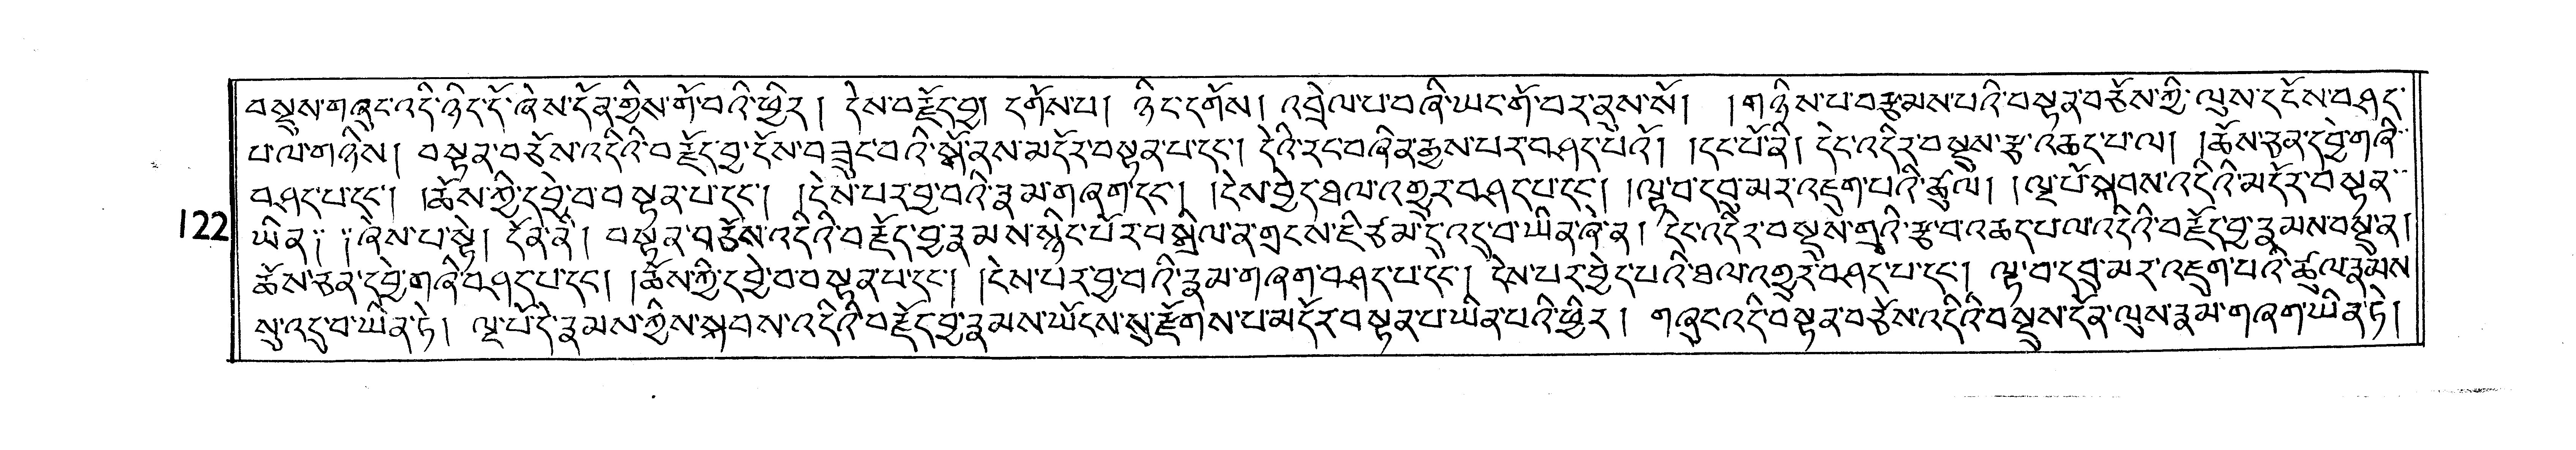བསྡུས་གཞུང་འདི་ཉིད་དོ་ཞེས་དོན་གྱིས་གོ་བའི་ཕྱིར། དེས་བརྗོད་བྱ། དགོས་པ། ཉིད་དགོས། འབྲེལ་པ་བཞི་ཡང་གོ་བར་ནུས་སོ། །གཉིས་པ་བརྩམས་པའི་བསྟན་བཅོས་ཀྱི་ལུས་དངོས་བཤད་པ་ལ་
གཉིས། བསྟན་བཅོས་འདིའི་བརྗོད་བྱ་ངོས་བཟུང་བའི་སྒོ་ནས་མདོར་བསྟན་པ་དང་། དེའི་རང་བཞིན་རྒྱས་པར་བཤད་པའོ། །དང་པོ་ནི། དེང་འདིར་བསྡུས་རྩ་འཆད་པ་ལ། །ཆོས་ཅན་དབྱེ་གཞི་
བཤད་པ་དང་། །ཆོས་ཀྱི་དབྱེ་བ་བསྟན་པ་དང་། །ངེས་པར་བྱ་བའི་རྣམ་གཞག་དང་། །ངེས་བྱེད་ཐལ་འགྱུར་བཤད་པ་དང་། ལྟ་བ་དབུ་མར་འཇུག་པའི་ཚུལ། །ལྔ་པོ་སྐབས་འདིའི་མདོར་བསྟན་
ཡིན༑ ༑ཞེས་པ་སྟེ། དོན་ནི། བསྟན་བཅོས་འདིའི་བརྗོད་བྱ་རྣམས་སྙིང་པོར་བསྒྲིལ་ན་གྲངས་ཇི་ཙམ་དུ་འདྲ་བ་ཡིན་ཞེ་ན། དེང་འདིར་བསྡུས་གྲྭའི་རྩ་བ་འཆད་པ་ལ་འདིའི་བརྗོད་བྱ་རྣམས་བསྡུ་ན།
ཆོས་ཅན་དབྱེ་གཞི་བཤད་པ་དང་། །ཆོས་ཀྱི་དབྱེ་བ་བསྟན་པ་དང་། །ངེས་པར་བྱ་བའི་རྣམ་གཞག་བཤད་པ་དང་། ངེས་པར་བྱེད་པའི་ཐལ་འགྱུར་བཤད་པ་དང་། ལྟ་བ་དབུ་མར་འཇུག་པའི་ཚུལ་རྣམས་
སུ་འདུ་བ་ཡིན་ཏེ། ལྔ་པོ་དེ་རྣམས་ཀྱིས་སྐབས་འདིའི་བརྗོད་བྱ་རྣམས་ཡོངས་སུ་རྫོགས་པ་མདོར་བསྟན་པ་ཡིན་པའི་ཕྱིར། གཞུང་འདི་བསྟན་བཅོས་འདིའི་བསྡུས་དོན་ལུས་རྣམས་གཞག་ཡིན་ཏེ།